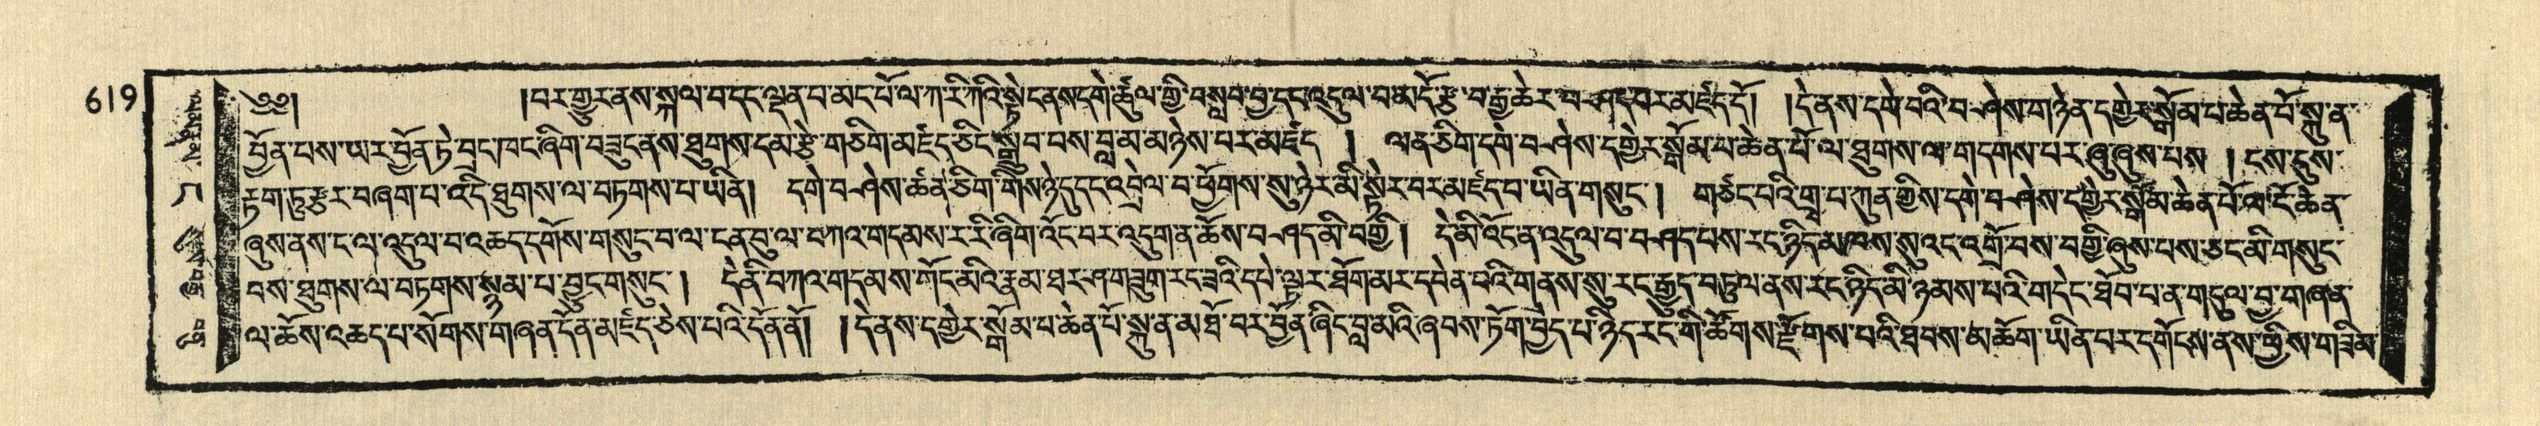༄༅། །བར་གྱུར་ནས་སྐལ་བ་དང་ལྡན་པ་མང་པོ་ལ་ཀ་རི་ཀའི་སྟེང་ནས་དགེ་ཚུལ་གྱི་བསླབ་བྱ་དང་འདུལ་བ་མདོ་རྩ་བརྒྱ་ཆེར་བཤད་བར་མཛད་དོ། །དེ་ནས་དགེ་བའི་བཤེས་གཉེན་དགྱེར་སྒོམ་པ་ཆེན་པོ་སྐུ་ན་
བྱོན་པས་ཡར་བྱོན་ཏེ་བྲང་ཁང་ཞིག་བཟུང་ནས་ཐུགས་དམ་རྩེ་གཅིག་མཛད་ཅིང་སྒྲུབ་བས་བླ་མ་མཉེས་པར་མཛད། ལན་ཅིག་དགེ་བཤེས་དགྱེར་སྒོམ་པ་ཆེན་པོ་ལ་ཐུགས་ལ་གདགས་པར་ཞུ་ཞུས་པས། ངས་དུས་
རྟག་ཏུ་རྩར་བཞག་པ་འདི་ཐུགས་ལ་བཏགས་པ་ཡིན། དགེ་བཤེས་ཚན་ཅིག་གིས་ཉེ་དུ་དང་འབྲེལ་བ་ཕྱོགས་སུ་ཉེར་མི་སྟེར་བར་མཛད་བ་ཡིན་གསུང་། གཙང་པའི་གྲྭ་པ་ཀུན་གྱིས་དགེ་བཤེས་དགྱེར་སྒོམ་ཆེན་པོ་ལ་ངོ་ཆེན་
ཞུས་ནས་ང་ལ་འདུལ་བ་འཆད་དགོས་གསུང་བ་ལ་ངན་བུ་ལ་བཀའ་གདམས་ར་རི་ཞིག་འོང་བར་འདུག་ན་ཆོས་བཤད་མི་བགྱི། དེ་མི་འོང་ན་འདུལ་བ་བཤད་པས་རང་ཉིད་མཁས་སུའང་འགྲོ་བས་བགྱི་ཞུས་པས་ཅང་མི་གསུང་
བས་ཐུགས་ལ་བཏགས་སྙམ་པ་བྱུང་གསུང་། དེ་ནི་བཀའ་གདམས་གོང་མའི་རྣམ་ཐར་ཤ་གཟུག་རང་ཟའི་དཔེ་ལྟར་ཐོག་མར་དབེན་པའི་གནས་སུ་རང་རྒྱུད་བཏུལ་ནས་རང་ཉིད་མི་ཉམས་པའི་གདེང་ཐོབ་པ་ན་གདུལ་བྱ་གཞན་
ལ་ཆོས་འཆད་པ་སོགས་གཞན་དོན་མཛད་ཅེས་པའི་དོན་ནོ། །དེ་ནས་དགྱེར་སྒོམ་པ་ཆེན་པོ་སྐུ་ན་མཐོ་བར་བྱོན་ཞིང་བླ་མའི་ཞབས་ཏོག་བྱེད་པ་ཉིད་རང་གི་ཚིགས་རྫོགས་པའི་ཐབས་མཆོག་ཡིན་པར་དགོངས་ནས་ཕྱིས་གཟིམ་